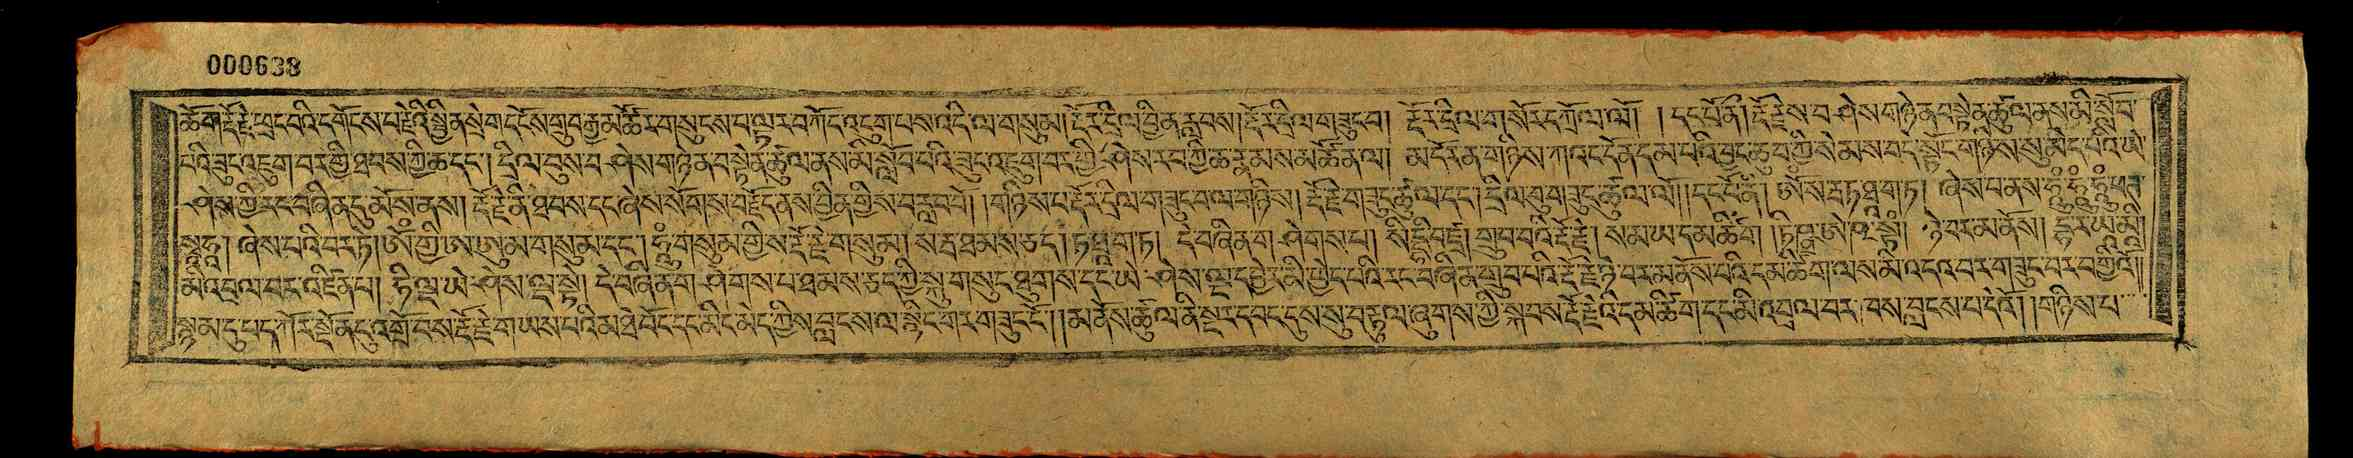ཆོག་རྡོ་རྗེ་ཕྲེང་བའི་དགོངས་པ་རྗེའི་སྦྱིན་སྲེག་དངོས་གྲུབ་རྒྱ་མཚོར་གསུངས་པ་ལྟར་བཀོད་འདུག་པས་འདི་ལ་གསུམ། རྡོར་དྲིལ་བྱིན་རླབས། རྡོར་དྲིལ་གཟུང་བ། རྡོར་དྲིལ་གསོར་དཀྲོལ་ལོ། །དང་པོ་ནི། རྡོ་རྗེས་བཤེས་གཉེན་བསྟེན་ཚུལ་ནས་མི་སློབ་
པའི་ཟུང་འཇུག་བར་གྱི་ཐབས་ཀྱི་ཆ་དང་། དྲིལ་བུས་བཤེས་གཉེན་བསྟེན་ཚུལ་ནས་མི་སློབ་པའི་ཟུང་འཇུག་བར་གྱི་ཤེས་རབ་ཀྱི་ཆ་རྣམས་མཚོན་ལ། མདོར་ན་གཉིས་ཀའང་དོན་དམ་པའི་བྱང་ཆུབ་ཀྱི་སེམས་བདེ་སྟོང་གཉིས་སུ་མེད་པའི་ཡེ་
ཤེས་ཀྱི་རང་བཞིན་དུ་མོས་ནས། རྡོ་རྗེ་ནི་ཐབས་དང་ཞེས་སོགས་བརྗོད་ནས་བྱིན་གྱིས་བརླབ་བོ། །གཉིས་པ་རྡོར་དྲིལ་གཟུང་བ་ལ་གཉིས། རྡོ་རྗེ་གཟུང་ཚུལ་དང་། དྲིལ་བུ་གཟུང་ཚུལ་ལོ། །དང་པོ་ནི། ཨོཾ་སརྦ་ཏ་ཐཱ་ག་ཏ། ཞེས་པ་ནས་ཧཱུཾ་ཧཱུཾ་ཧཱུཾ་ཕཊ་
སྭཱཧཱ། ཞེས་པའི་བར་ཏེ། ཨོཾ་གྱི་ཨཱ་ཨུ་མ་གསུམ་དང་། ཧཱུཾ་གསུམ་གྱིས་རྡོ་རྗེ་གསུམ། སརྦ་ཐམས་ཅད། ཏ་ཐཱ་ག་ཏ། དེ་བཞིན་གཤེས་པ། སིདྡྷིབྫྲ། གྲུབ་པའི་རྡོ་རྗེ། སམ་ཡ་དམ་ཚིག །ཏིཥཊཿཨ་ཨེ་ཥ་སྟྭཾ། ཉེ་བར་མནོས། དྷ་ར་ཡཱ་མཱི་
མི་འབྲལ་བར་འཛིན་པ། ཧི་ལྔ་ཡེ་ཤེས་ལྔ་སྟེ། དེ་བཞིན་གཤེགས་པ་ཐམས་ཅད་ཀྱི་སྐུ་གསུང་ཐུགས་དང་ཡེ་ཤེས་ལྔ་དབྱེར་མི་ཕྱེད་པའི་རང་བཞིན་གྲུབ་པའི་རྡོ་རྗེ་ཉེ་བར་མནོས་པའི་དམ་ཚིག་ལས་མི་འདའ་བར་གཟུང་བར་བགྱིའོ་
སྙམ་དུ་པད་ཀོར་སྔོན་དུ་འགྲོ་བས་རྡོ་རྗེ་གཡས་པའི་མཐེ་བོང་དང་མིང་མེད་ཀྱིས་བླངས་ལ་སྙིང་གར་གཟུང་ངོ། །མནོས་ཚུལ་ནི་སྔར་དབང་དུས་སུ་བརྟུལ་ཞུགས་ཀྱི་སྐབས་རྡོ་རྗེའི་དམ་ཚིག་དང་མི་འབྲལ་བར་ཁས་བླངས་པ་དེའོ། །གཉིས་པ་